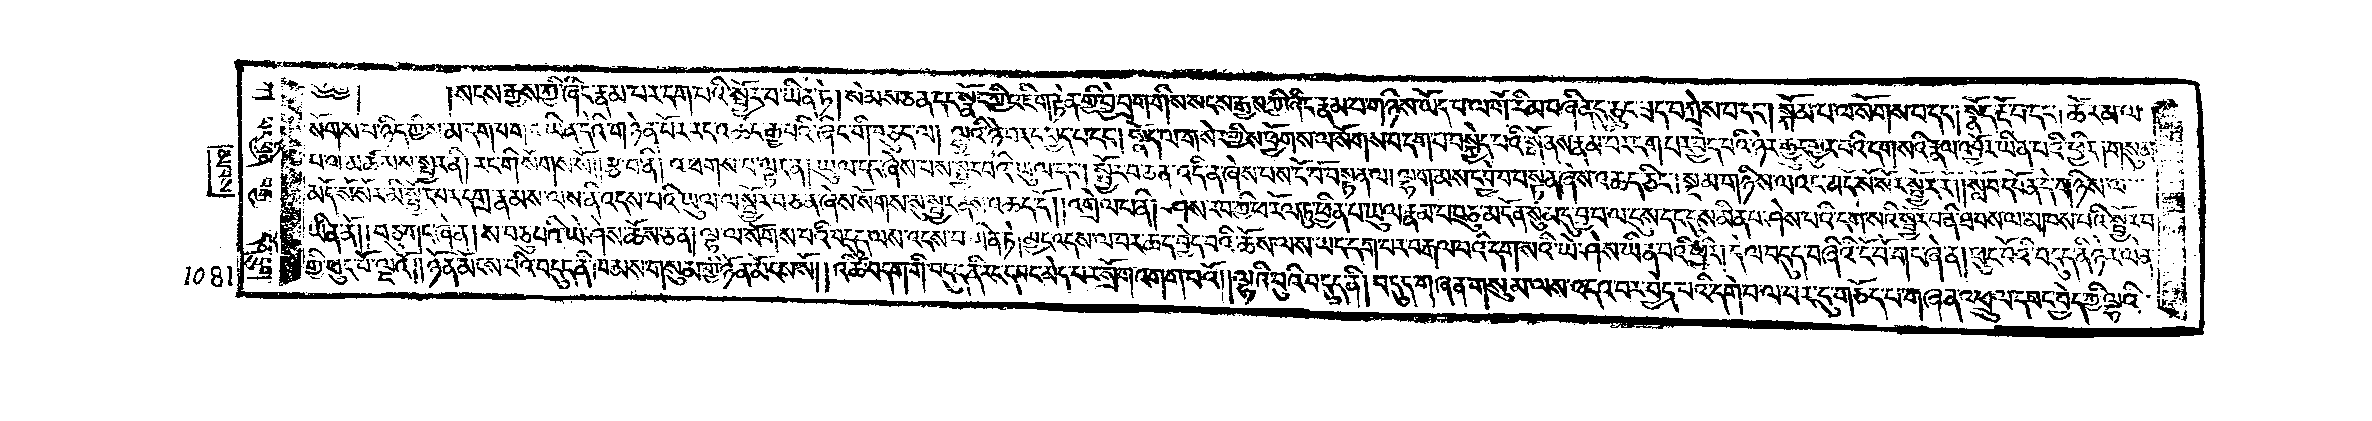༄༅། །སངས་རྒྱས་ཀྱི་ཞིང་རྣམ་པར་དག་པའི་སྦྱོར་བ་ཡིན་ཏེ། སེམས་ཅན་དང་སྣོད་ཀྱི་འཇིག་རྟེན་གྱི་བྱེ་བྲག་གིས་སངས་རྒྱས་ཀྱི་ཞིང་རྣམ་པ་གཉིས་ཡོད་པ་ལ་གོ་རིམ་བཞིན་དུ་ཅུང་ཟད་བཀྲེས་པ་དང་། སྒོམ་པ་ལ་སོགས་པ་དང་། སྣོད་རྡོ་བ་དང་། ཚེར་མ་ལ་
སོགས་པ་ཉིད་ཀྱིས་མ་དག་པ་གང་ཡིན་དེའི་གཉེན་པོར་རང་འཚང་རྒྱ་པའི་ཞིང་གི་བཅུད་ལ། ལྷའི་ཉེ་བར་དཔྱད་པ་དང་། སྣོད་ལ་གསེར་གྱིས་ཕྱོགས་ལ་སོགས་པ་དག་པ་བསྐྱེད་པའི་སྒོ་ནས་རྣམ་པར་དག་པར་བྱེད་པའི་ཉེར་རྒྱུར་གྱུར་པའི་དག་སའི་རྣལ་འབྱོར་ཡིན་པའི་ཕྱིར། གསུམ་
པ་ལ་མཚམས་སྦྱར་ནི། རང་གི་སོགས་སོ། །རྩ་བ་ནི། འཕགས་པ་ལྟར་ན། ཡུལ་དང་ཞེས་པས་སྦྱོར་བའི་ཡུལ་དང་། སྦྱོར་བ་ཅན་འདི་ན་ཞེས་པས་ངོ་བོ་བསྟན་ལ། ལྷག་མས་དབྱེ་བ་བསྟན་ཞེས་འཆད་ཅིང་། སྔ་མ་གཉིས་ལའང་མདོ་སོ་སོར་སྦྱོར་རོ། །སློབ་དཔོན་དེ་གཉིས་ལ་
མདོ་སོ་སོར་མི་སྦྱོར་བར་དགྲ་རྣམས་ལས་ནི་འདས་པའི་ཡུལ་ལ་སྦྱོར་བ་ཅན་ཞེས་སོགས་སུ་སྦྱར་ནས་འཆད་དོ། །འགྲེལ་པ་ནི། ཤེས་རབ་ཀྱི་ཕ་རོལ་ཏུ་ཕྱིན་པ་ཡུལ་རྣམ་པ་བཅུ་མངོན་སུམ་དུ་བྱ་བ་ལ་དུས་དང་དུས་མིན་པ་ཤེས་པའི་དག་སའི་སྦྱོར་བ་ནི་ཐབས་ལ་མཁས་པའི་སྦྱོར་བ་
ཡིན་ནོ། །བཅུ་གང་ཞེ་ན། ས་བཅུ་པའི་ཡེ་ཤེས་ཆོས་ཅན། ལྷ་ལ་སོགས་པའི་བདུད་ལས་འདས་པ་ཡིན་ཏེ། མྱང་འདས་ལ་བར་ཆད་བྱེད་པའི་ཆོས་ལས་ཡང་དག་པར་བརྒལ་བའི་དག་སའི་ཡེ་ཤེས་ཡིན་པའི་ཕྱིར། དེ་ལ་བདུད་བཞིའི་ངོ་བོ་གང་ཞེ་ན། ཕུང་པོའི་བདུད་ནི་ཉེར་ལེན་
གྱི་ཕུང་པོ་ལྔའོ། །ཉོན་མོངས་པའི་བདུད་ནི་ཁམས་གསུམ་གྱི་ཉོན་མོངས་སོ། །འཆི་བདག་གི་བདུད་ནི་རང་དབང་མེད་པར་སྲོག་འགག་པའོ། །ལྷའི་བུའི་བདུད་ནི། བདུད་གཞན་གསུམ་ལས་འདའ་བར་བྱེད་པའི་དགེ་བ་ལ་བར་དུ་གཅོད་པ་གཞན་འཕྲུལ་དབང་བྱེད་ཀྱི་ལྷའི་